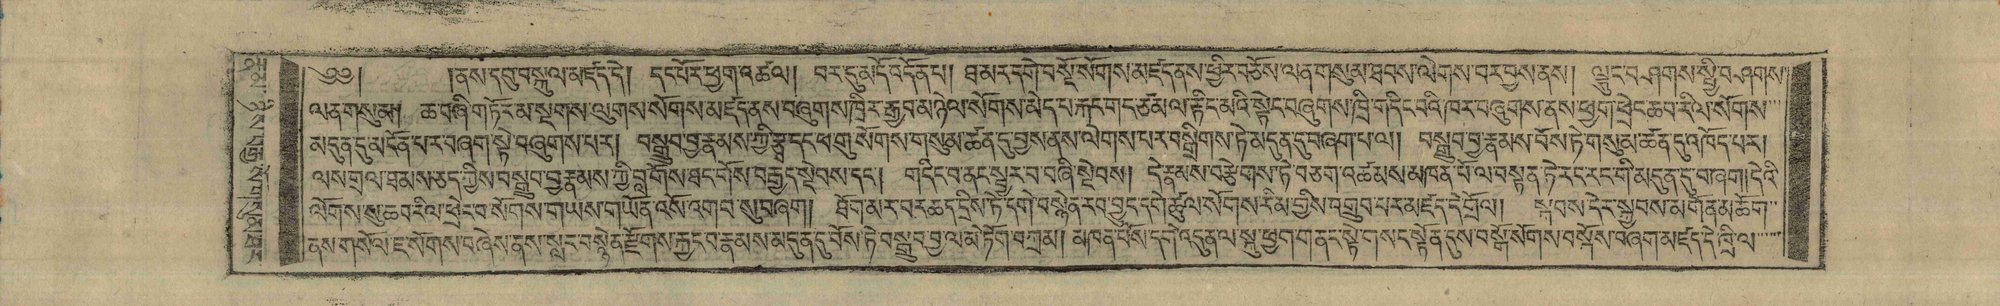༄༅། །ནས་དབུ་བསྐུལ་མཛད་དེ། དང་པོར་ཕྱག་འཚལ། བར་དུ་མདོ་འདོན་པ། ཐ་མར་དགེ་བསྔོ་སོགས་མཛད་ནས་ཕྱིར་བཅོས་ལན་གསུམ་ཐབས་ལེགས་པར་བྱས་ནས། ལྟུང་བཤགས་སྤྱི་བཤགས་
ལན་གསུམ། ཆ་བཞི་གཏོར་མ་སྔགས་ལུགས་སོགས་མཛད་ནས་བཞུགས་ཁྲིར་རྒྱབ་མཉེལ་སོགས་མེད་པ་རྐང་གང་ཙམ་ལ་རྟིང་མའི་སྟེང་བཞུགས་ཁྲི་གདིང་བའི་ཁར་བཞུགས་ནས་ཕྱག་ཕྲེང་ཆབ་རིལ་སོགས་
མདུན་དུ་མངོན་པར་བཞག་སྟེ་བཞུགས་པར། བསྒྲུབ་བྱ་རྣམས་ཀྱི་རྩྭ་དང་ཕ་གུ་སོགས་གསུམ་ཚན་དུ་བྱས་ནས་ལེགས་པར་བསྒྲིགས་ཏེ་མདུན་དུ་བཞག་པ་ལ། བསྒྲུབ་བྱ་རྣམས་པོས་ཏེ་གསུམ་ཚན་དུ་འཁོད་པར།
ལས་གྲལ་ཐམས་ཅད་ཀྱིས་བསྒྲུབ་བྱ་རྣམས་ཀྱི་བླ་གོས་ཐང་གོས་བརྒྱད་སྡེབས་དང་། གདིང་བ་ནང་སྦྱར་བ་བཞི་སྡེབས། དེ་རྣམས་བརྩེགས་ཏེ་བཅག་འཚམས་མཁན་པོ་ལ་བསྟན་ཏེ་རང་རང་གི་མདུན་དུ་བཞག །དེའི་
ལོགས་སུ་ཆབ་རིལ་ཕྲེང་བ་སོགས་གཡས་གཡོན་འོས་འགབ་སུ་བཞག །ཐོག་མར་བར་ཆད་དྲིས་ཏེ་དགེ་བསྙེན་རབ་བྱུང་དགེ་ཚུལ་སོགས་རིམ་གྱིས་འགྲུབ་པར་མཛད་དེ་གྲོལ། སྐབས་དེར་སྐྱབས་མགོན་མཆོག་
ནས་གསོལ་ཇ་སོགས་བཞེས་ནས་སླར་བསྙེན་རྫོགས་རྐྱང་བ་རྣམས་མདུན་དུ་བོས་ཏེ་བསྒྲུབ་བྱ་ལ་མེ་ཏོག་བཀྲམ། མཁན་པོས་དགེ་འདུན་ལ་སྐུ་ཕྱག་གནང་སྟེ་གསང་སྟོན་དུས་བསྒོ་སོགས་བསྐོས་བཞག་མཛད་དེ་ཁྲི་ལ་